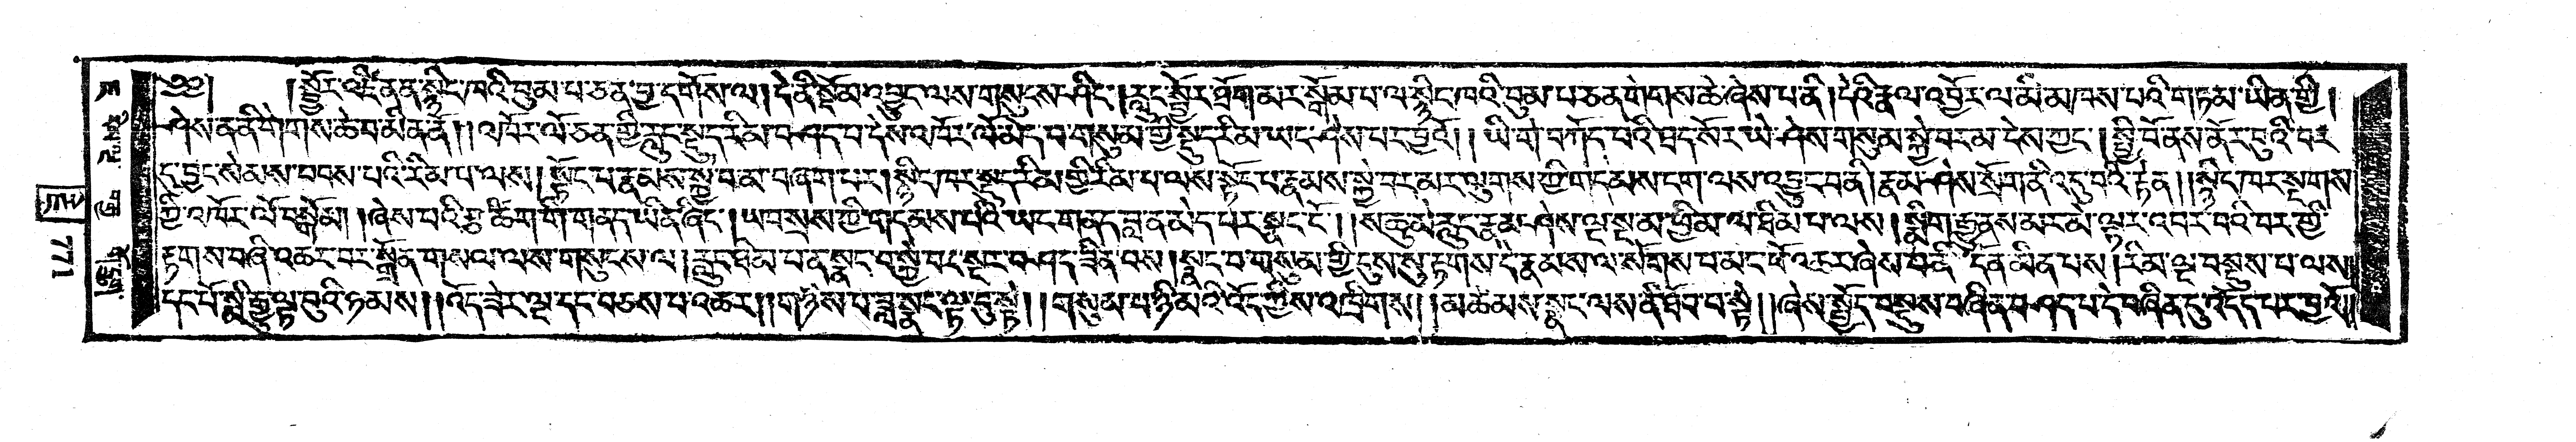༄༅། །སྦྱོར་འཛིན་ན་སྙིང་ཁའི་བུམ་པ་ཅན་བྱ་དགོས་ལ། དེ་ནི་སྡོམ་འབྱུང་ལས་གསུངས་ཤིང་། རླུང་སྦྱོར་ཐོག་མར་སྒོམ་པ་ལ་སྙིང་ཁའི་བུམ་པ་ཅན་གེགས་ཆེ་ཞེས་པ་ནི། དེའི་རྣལ་འབྱོར་ལ་མི་མཁས་པའི་གཏམ་ཡིན་གྱི།
ཤེས་ན་ནི་གེགས་ཆེ་བ་མིན་ནོ། །འཁོར་ལོ་ཅན་གྱི་རླུང་སྡུད་རིམ་བཤད་པ་དེས་འཁོར་ལོ་མེད་པ་གསུམ་གྱི་སྡུད་རིམ་ཡང་ཤེས་པར་བྱའོ། །ཡི་གེ་བཀོད་པའི་ཐད་སོར་ཡེ་ཤེས་གསུམ་སྐྱེ་བར་མ་ངེས་ཀྱང་། སྤྱི་བོ་ནས་ནོར་བུའི་བར་
དུ་བྱང་སེམས་བབས་པའི་རིམ་པ་ལས། སྟོང་པ་རྣམས་སྐྱེ་བ་མ་བཞག་པར། སྙིང་ཁར་སྡུད་རིམ་གྱི་རིམ་པ་ལས་སྟོང་པ་རྣམས་སྐྱེ་བར་མར་ལུགས་ཀྱི་གདམས་ངག་ལས་འབྱུང་བ་ནི། རྣམ་ཤེས་སྲོག་ནི་འདུ་བའི་རྟེན། །སྙིང་ཁར་སྔགས་
ཀྱི་འཁོར་ལོ་བསྒོམ། །ཞེས་པའི་རྩ་ཚིག་གི་གནད་ཡིན་ཞིང་། ཡབ་སྲས་ཀྱི་གདམས་པའི་ཡང་གནད་བླ་ན་མེད་པར་སྣང་ངོ། །ས་ཆུ་མེ་རླུང་རྣམ་ཤེས་ལྔ་སྔ་མ་ཕྱི་མ་ལ་ཐིམ་པ་ལས། སྨིག་རྒྱུ་ནས་མར་མེ་ལྟར་འབར་བའི་བར་གྱི་
རྟགས་བཞི་འཆར་བར་སྒྲོན་གསལ་ལས་གསུངས་ལ། རླུང་ཐིམ་པ་ན་སྣང་བ་སྐྱེ་བར་སྔར་བཤད་ཟིན་པས། སྣང་བ་གསུམ་གྱི་དུས་སུ་རྟགས་དེ་རྣམས་ལ་སོགས་པ་མང་པོ་འཆར་ཞེས་པ་ནི་དོན་མིན་པས། རིམ་ལྔ་བསྡུས་པ་ལས།
དང་པོ་སྨི་རྒྱུ་ལྟ་བུའི་ཉམས། །འོད་ཟེར་ལྔ་དང་བཅས་པ་འཆར། །གཉིས་པ་ཟླ་སྣང་ལྟ་བུ་སྟེ། །གསུམ་པ་ཉི་མའི་འོད་ཀྱིས་འཁྲིགས། །མཚམས་སྣང་ལས་ནི་ཐོབ་པ་སྟེ། །ཞེས་སྤྱོད་བསྡུས་བཞིན་བཤད་པ་དེ་བཞིན་དུ་འདོད་པར་བྱའོ། །